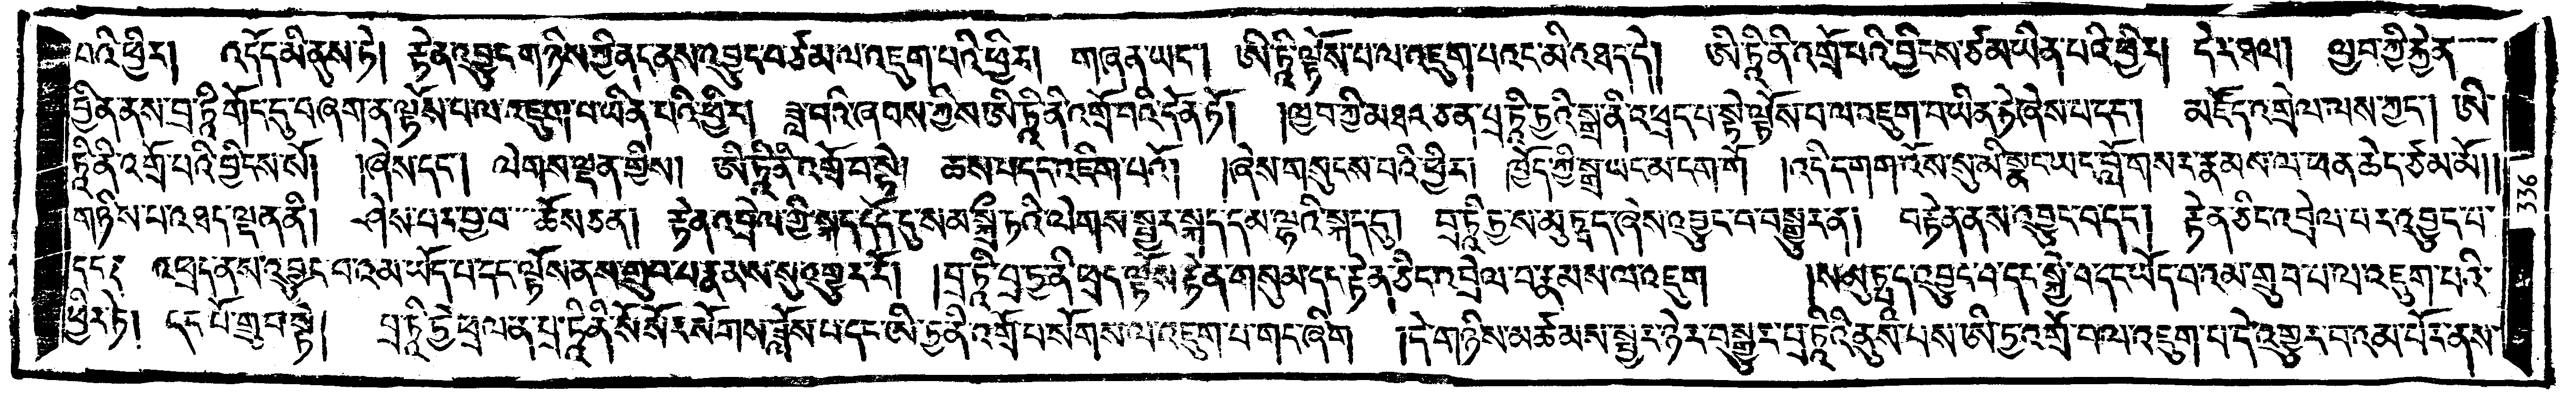པའི་ཕྱིར། འདོད་མི་ནུས་ཏེ། རྟེན་འབྱུང་གཉིས་ཀྱི་ནང་ནས་འབྱུང་བ་ཙམ་ལ་འཇུག་པའི་ཕྱིར། གཞན་ཡང་། ཨི་ཏཱི་ལྟོས་པ་ལ་འཇུག་པའང་མི་འཐད་དེ། ཨི་ཏཱི་ནི་འགྲོ་བའི་བྱིངས་ཙམ་ཡིན་པའི་ཕྱིར། དེར་ཐལ། ལྱབ་ཀྱི་རྐྱེན་
བྱིན་ནས་བྲ་ཏཱི་གོང་དུ་བཞག་ན་ལྟོས་པ་ལ་འཇུག་པ་ཡིན་པའི་ཕྱིར། ཟླ་བའི་ཞབས་ཀྱིས་ཨི་ཏཱི་ནི་འགྲོ་བའི་དོན་ཏོ། །ཁྱབ་ཀྱི་མཐའ་ཅན་པྲ་ཏཱི་ཏྱའི་སྒྲ་ནི་འཕྲད་པ་སྟེ་ལྟོས་པ་ལ་འཇུག་པ་ཡིན་ཏེ་ཞེས་པ་དང་། མཛོད་འགྲེལ་ལས་ཀྱང་། ཨི་
ཏཱི་ནི་འགྲོ་པའི་བྱིངས་སོ། །ཞེས་དང་། ལེགས་ལྡན་གྱིས། ཨི་ཏཱི་ནི་འགྲོ་བ་སྟེ། ཆས་པ་དང་འཇིག་པའོ། །ཞེས་གསུངས་པའི་ཕྱིར། ཁྱོད་ཀྱི་སྒྲ་ཡང་མ་དག་གོ །འདི་དགག་འོས་སུ་མི་སྣང་ཡང་བློ་གསར་རྣམས་ལ་ཕན་ཆེད་ཙམ་མོ།།
གཉིས་པ་འཐད་ལྡན་ནི། ཤེས་པར་བྱ་བ་ཆོས་ཅན། རྟེན་འབྲེལ་གྱི་སྐད་དོད་དུ་སམ་སྐྲྀ་ཏའི་ལེགས་སྦྱར་སྐད་དམ་ལྷའི་སྐད་དུ། བྲ་ཏཱི་ཏྱ་ས་མུཏྤ་ད་ཞེས་འབྱུང་བ་བསྒྱུར་ན། བརྟེན་ནས་འབྱུང་བ་དང་། རྟེན་ཅིང་འབྲེལ་པར་འབྱུང་པ་
དང༑ འཕྲད་ནས་འབྱུང་བའམ་ཡོད་པ་དང་ལྟོས་ནས་གྲུབ་པ་རྣམས་སུ་འགྱུར་རོ། །པྲ་ཏཱི་པྲ་ཏྱ་ནི་ཕྲད་ལྟོས་རྟེན་གསུམ་དང་རྟེན་ཅིང་འབྲེལ་བ་རྣམས་ལ་འཇུག །ས་མུཏྤཱ་ད་འབྱུང་བ་དང་སྐྱེ་བ་དང་ཡོད་པ་འམ་གྲུབ་པ་ལ་འཇུག་པའི་
ཕྱིར་ཏེ། དང་པོ་གྲུབ་སྟེ། བྲ་ཏཱི་ཏྱེ་ཕྲལ་ན་པྲ་ཏཱི་ནི་སོ་སོར་སོགས་ཟློས་པ་དང་ཨི་ཏྱ་ནི་འགྲོ་བ་སོགས་ལ་འཇུག་པ་གང་ཞིག །དེ་གཉིས་མཚམས་སྦྱར་ཉེར་བསྒྱུར་པྲ་ཏཱིའི་ནུས་པས་ཨི་ཏྱ་འགྲོ་བ་ལ་འཇུག་པ་དེ་འགྱུར་བ་འམ་བོར་ནས་